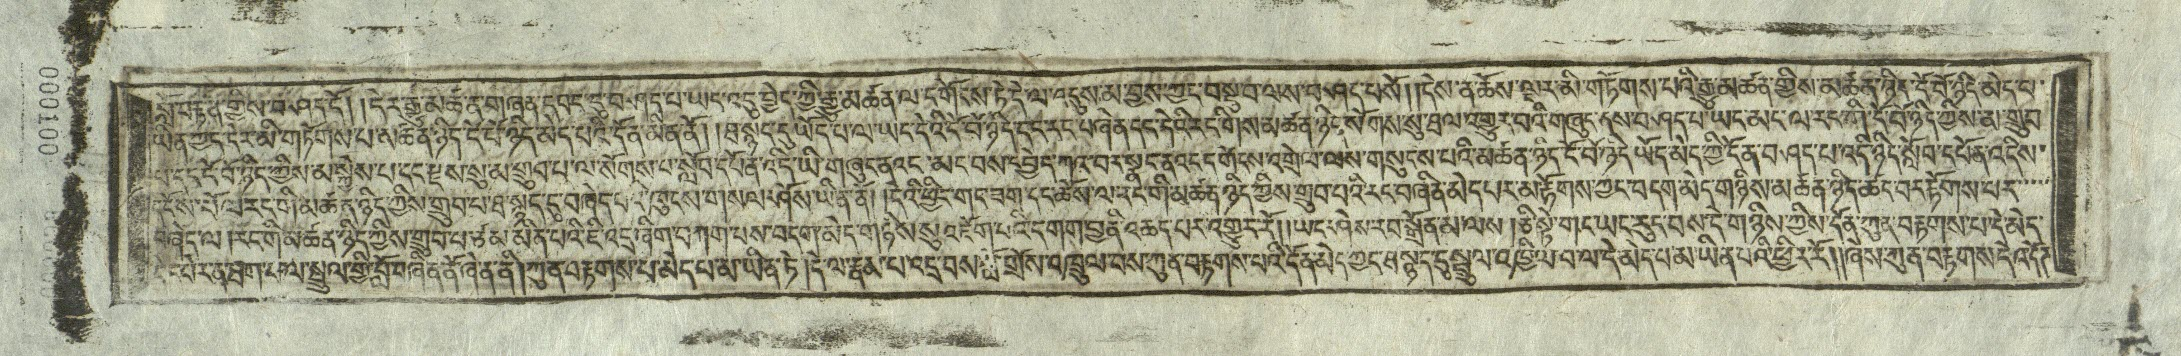བློ་བརྟན་གྱིས་བཤད་དོ། །དེར་རྒྱུ་མཚན་གཞན་དབང་དུ་བཤད་པ་ཡང་འདུ་བྱེད་ཀྱི་རྒྱུ་མཚན་ལ་དགོངས་ཏེ་དེ་ལ་འདུས་མ་བྱས་ཀྱང་བསྡུ་བ་ལས་བཤད་པས་སོ། །དེས་ན་ཆོས་ལྔར་མི་གཏོགས་པའི་རྒྱུ་མཚན་གྱིས་མཚན་ཉིད་ངོ་བོ་ཉིད་མེད་པ་
ཡིན་ཀྱང་དེར་མི་གཏོགས་པ་མཚན་ཉིད་ངོ་བོ་ཉིད་མེད་པའི་དོན་མིན་ནོ། །ཐ་སྙད་དུ་ཡོད་པ་ལ་ཡང་དེའི་ངོ་བོ་ཉིད་དང་རང་བཞིན་དང་དེའི་རང་གིས་མཚན་ཉིད་སོགས་སུ་ཐལ་འགྱུར་བའི་གཞུང་ནས་བཤད་པ་ཡང་མང་ལ་རང་གི་ངོ་ཉིད་ཀྱིས་མ་གྲུབ་
པ་དང་ངོ་བོ་ཉིད་ཀྱིས་མ་སྐྱེས་པ་དང་རྫས་སུ་མ་གྲུབ་པ་ལ་སོགས་པ་སློབ་དཔོན་འདི་ཡི་གཞུང་ནའང་མང་བས་དབྱེ་དཀའ་བར་སྣང་ནའང་དགོངས་འགྲེལ་ལས་གསུངས་པའི་མཚན་ཉིད་ངོ་བོ་ཉིད་ཡོད་མེད་ཀྱི་དོན་བཤད་པ་འདི་ཉིད་སློབ་དཔོན་འདིས་
དངོས་པོ་ལ་རང་གི་མཚན་ཉིད་ཀྱིས་གྲུབ་པ་ཐ་སྙད་དུ་བཞེད་པའི་ཁུངས་གསལ་ཤོས་ཡིན་ནོ། །དེའི་ཕྱིར་གང་ཟག་དང་ཆོས་ལ་རང་གི་མཚན་ཉིད་ཀྱིས་གྲུབ་པའི་རང་བཞིན་མེད་པར་མ་རྟོགས་ཀྱང་བདག་མེད་གཉིས་མཚན་ཉིད་ཚང་བར་རྟོགས་པར་
བཞེད་ལ། རང་གི་མཚན་ཉིད་ཀྱིས་གྲུབ་པ་ཙམ་མིན་པའི་ཇི་འདྲ་ཞིག་བཀག་བས་བདག་མེད་གཉིས་སུ་འཇོག་པའི་དགག་བྱ་ནི་འཆད་པར་འགྱུར་རོ། །ཡང་ཤེས་རབ་སྒྲོན་མ་ལས། ཅི་སྟེ་གང་ཡང་རུང་བས་དེ་གཉིས་ཀྱིས་དོན་ཀུན་བརྟགས་པ་དེ་མེད་
དེ་དཔེར་ན་ཐག་པ་ལ་སྦྲུལ་གྱི་བླ་བཞིན་ནོ་ཞེ་ན་ནི། ཀུན་བརྟགས་པ་མེད་པ་མ་ཡིན་ཏེ། དེ་ལ་རྣམ་པ་འདྲ་བས་བློ་གྲོས་འཁྲུལ་བས་ཀུན་བརྟགས་པའི་དོན་མེད་ཀྱང་ཐ་སྙད་དུ་སྦྲུལ་འཁྱིལ་བ་ལ་དེ་མེད་པ་མ་ཡིན་པའི་ཕྱིར་རོ། །ཞེས་ཀུན་བརྟགས་དེ་འདོགས་